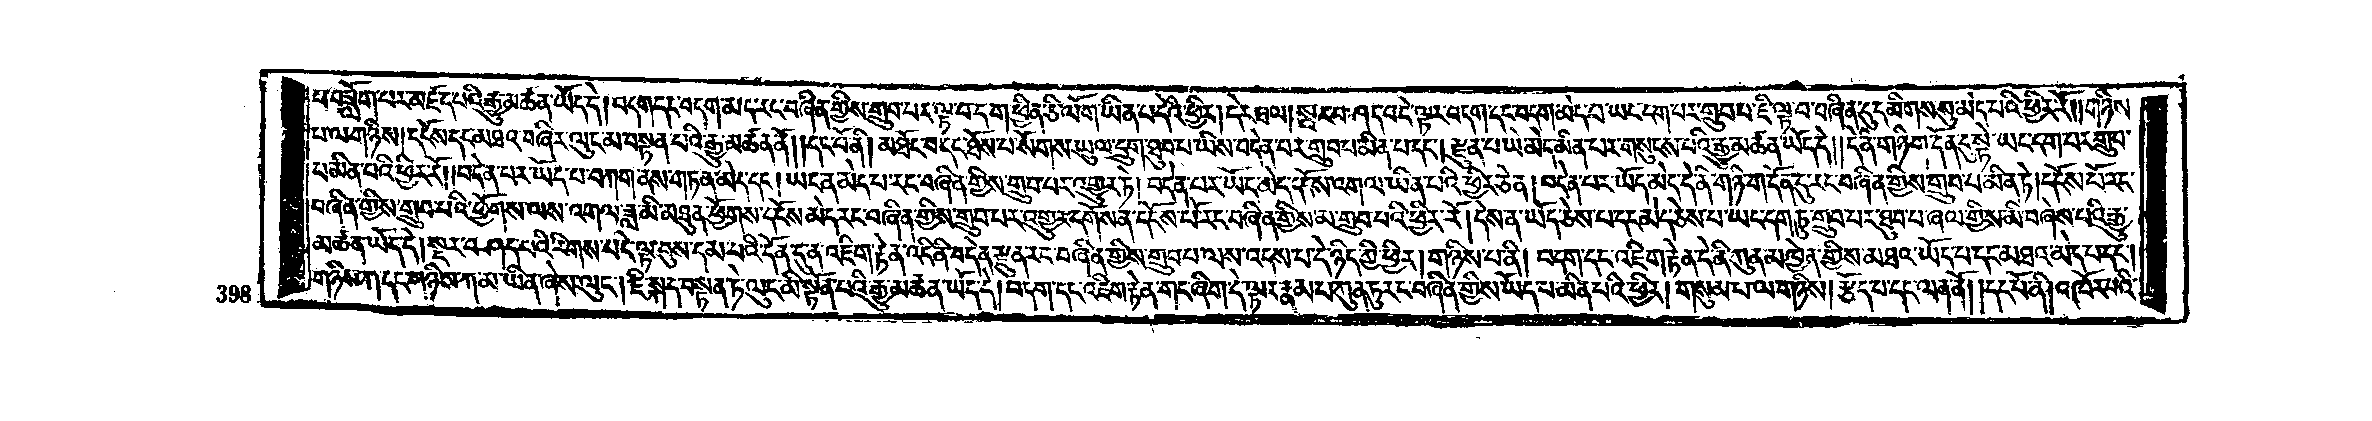པ་བཟློག་པར་མཛད་པའི་རྒྱུ་མཚན་ཡོད་དེ། བདག་དང་བདག་མེད་རང་བཞིན་གྱིས་གྲུབ་པར་ལྟ་བ་དག་ཕྱིན་ཅི་ལོག་ཡིན་པ་དེའི་ཕྱིར། དེར་ཐལ། སྤང་བཤད་བདེ་བ་དེ་ལྟར་བདག་དང་བདག་མེད་པ་ཡང་དག་པར་གྲུབ་པ་ཇི་ལྟ་བ་བཞིན་དུ་དམིགས་སུ་མེད་པའི་ཕྱིར་རོ། །གཉིས་
པ་ལ་གཉིས། དངོས་དང་མཐའ་བཞིར་ལུང་མ་བསྟན་པའི་རྒྱུ་མཚན་ནོ། །དང་པོ་ནི། མཐོང་བ་དང་ཐོས་པ་སོགས་ཡུལ་དྲུག་ཐུབ་པ་ཡིན་བདེན་པར་གྲུབ་པ་མིན་པ་དང་། རྫུན་པ་ཡེ་མེད་མིན་པར་གསུངས་པའི་རྒྱུ་མཚན་ཡོད་དེ། །དེ་ནི་གཉིག་དོན་དུ་སྟེ་ཡང་དག་པར་གྲུབ་
པ་མིན་པའི་ཕྱིར་རོ། །བདེན་པར་ཡོད་པ་བཀག་ནས་གཏན་མེད་དང་། ཡང་ན་མེད་པ་རང་བཞིན་གྱིས་གྲུབ་པར་འགྱུར་ཏེ། བདེན་པར་ཡོད་མེད་དངོས་འགལ་ཡིན་པའི་ཕྱིར་ཅེ་ན། བདེན་པར་ཡོད་མེད་དེ་ནི་གཉི་ག་དོན་དུ་རང་བཞིན་གྱིས་གྲུབ་པ་མིན་ཏེ། དངོས་པོ་རང་
བཞིན་གྱིས་གྲུབ་པའི་ཕྱོགས་ལས་འགལ་ཟླ་མི་མཐུན་ཕྱོགས་དངོས་མེད་རང་བཞིན་གྱིས་གྲུབ་པར་འགྱུར་དགོས་ན་དངོས་པོ་རང་བཞིན་གྱིས་མ་གྲུབ་པའི་ཕྱིར་རོ། དེས་ན་ཡོད་ཅེས་པ་དང་མེད་ཅེས་པ་ཡང་དག་ཏུ་གྲུབ་པར་ཐུབ་པ་ཞལ་གྱིས་མི་བཞེས་པའི་རྒྱུ་
མཚན་ཡོད་དེ། སྔར་བཤད་པའི་རིགས་པ་དེ་ལྟ་བུས་དམ་པའི་དོན་དུ་ན་འཇིག་རྟེན་འདི་ནི་བདེན་རྫུན་རང་བཞིན་གྱིས་གྲུབ་པ་ལས་འདས་པ་དེ་ཉིད་ཀྱི་ཕྱིར། གཉིས་པ་ནི། བདག་དང་འཇིག་རྟེན་དེ་ནི་ཀུན་མཁྱེན་གྱིས་མཐའ་ཡོད་པ་དང་མཐའ་མེད་པ་དང་།
གཉིས་ཀ་དང་གཉིས་ཀ་མ་ཡིན་ཞེས་ལུང་། ཇི་སྐད་བསྟན་ཏེ་ལུང་མི་སྟོན་པའི་རྒྱུ་མཚན་ཡོད་དེ། བདག་དང་འཇིག་རྟེན་གང་ཞིག་དེ་ལྟར་རྣམ་པ་ཀུན་ཏུ་རང་བཞིན་གྱིས་ཡོད་པ་མིན་པའི་ཕྱིར། གསུམ་པ་ལ་གཉིས། རྩོད་པ་དང་ལན་ནོ། །དང་པོ་ནི། འཁོར་བའི་